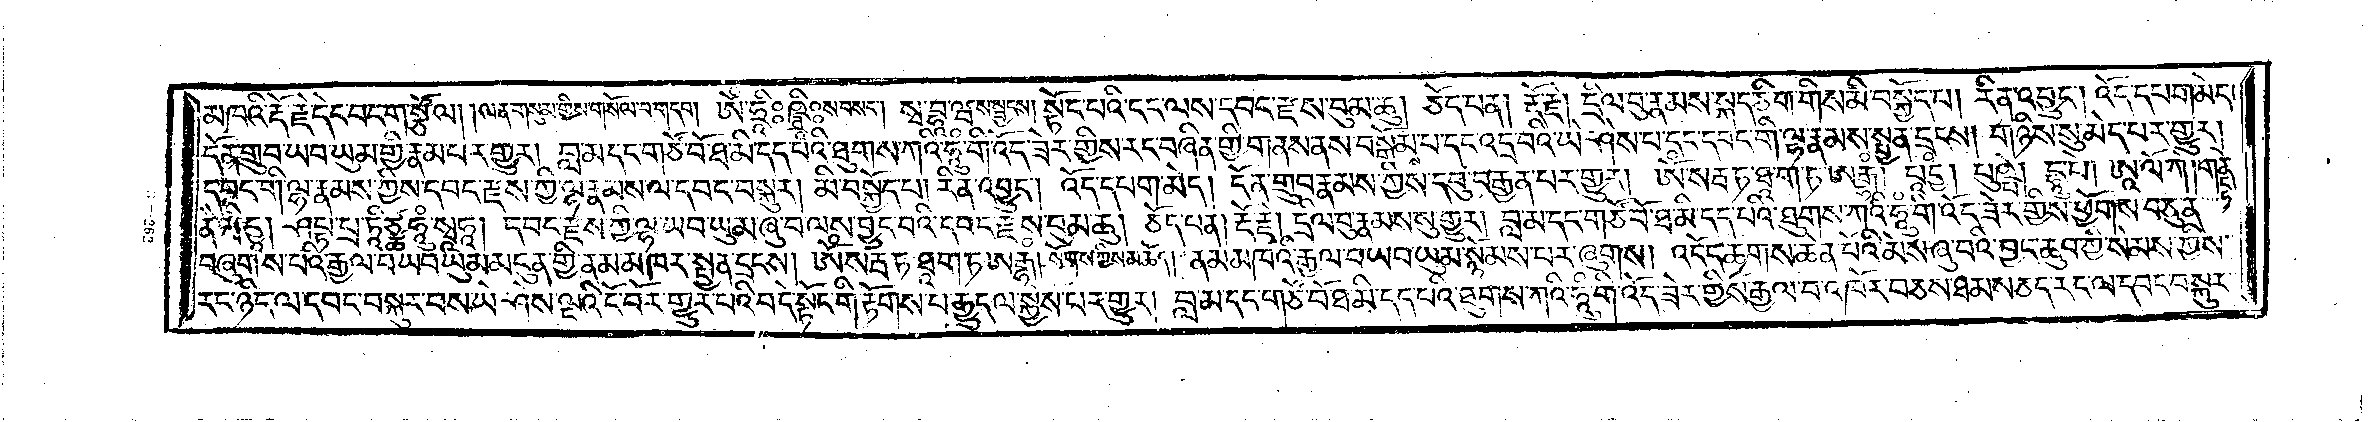མཁའི་རྡོ་རྗེ་དེང་བདག་སྩོལ། །ལན་གསུམ་གྱིས་གསོལ་བ་གདབ།  ཨོཾ་ཧྲཱིཿཥྚྲཱིཿས་བསང་། སྭ་བྷཱ་ཝ་ས་སྦྱངས།  སྟོང་པའི་ངང་ལས་དབང་རྫས་བུམ་ཆུ། ཅོད་པ་ན། རྡོ་རྗེ། དྲིལ་བུ་རྣམས་སྐད་ཅིག་གིས་མི་བསྐྱོད་པ། རིན་འབྱུང་། འོད་དཔག་མེད་
དོན་གྲུབ་ཡབ་ཡུམ་གྱི་རྣམ་པར་གྱུར། བླ་མ་དང་གཙོ་བོ་ཐ་མི་དད་པའི་ཐུགས་ཀའི་ཧཱུཾ་གི་འོད་ཟེར་གྱིས་རང་བཞིན་གྱི་གནས་ནས་བསྒོམ་པ་དང་འདྲ་བའི་ཡེ་ཤེས་པ་དང་དབང་གི་ལྷ་རྣམས་སྤྱན་དྲངས། གཉིས་སུ་མེད་པར་གྱུར།
དབང་གི་ལྷ་རྣམས་ཀྱིས་དབང་རྫས་ཀྱི་ལྷ་རྣམས་ལ་དབང་བསྐུར། །མི་བསྐྱོད་པ། རིན་འབྱུང་། འོད་དཔག་མེད། དོན་གྲུབ་རྣམས་ཀྱིས་དབུ་བརྒྱན་པར་གྱུར། ཨོཾ་སརྦ་ཏ་ཐཱ་ག་ཏ་ཨརྒྷཾ། པཱདྱཾ། པུཥྤེ། དྷཱུ་པེ། ཨཱ་ལོ་ཀ། གནྡྷེ་
ནཻ་ཝིདྱཱ། ཤཔྟ་པྲ་ཏཱི་ཙྪ་ཧཱུཾ་སྭཱཧཱ། དབང་རྗེས་ཀྱི་ལྷ་ཡབ་ཡུམ་ཞུ་བ་ལས་བྱུང་བའི་དབང་རྫས་བུམ་ཆུ། ཅོད་པ་ན། རྡོ་རྗེ། དྲིལ་བུ་རྣམས་སུ་གྱུར། བླ་མ་དང་གཙོ་བོ་ཐ་མི་དད་པའི་ཐུགས་ཀའི་ཧཱུཾ་གི་འོད་ཟེར་གྱིས་ཕྱོགས་བཅུ་ན་
བཞུགས་པའི་རྒྱལ་བ་ཡབ་ཡུམ་མདུན་གྱི་ནམ་མཁར་སྤྱན་དྲངས། ཨོཾ་སརྦ་ཏ་ཐཱ་ག་ཏ་ཨརྒྷཾ། སོགས་ཀྱིས་མཆོད།  ནམ་མཁའི་རྒྱལ་བ་ཡབ་ཡུམ་སྙོམས་པར་ཞུགས། འདོད་ཆགས་ཆེན་པོའི་མེས་ཞུ་བའི་བྱང་ཆུབ་ཀྱི་སེམས་ཀྱིས་
རང་ཉིད་ལ་དབང་བསྐུར་བས་ཡེ་ཤེས་ལྔའི་ངོ་བོར་གྱུར་པའི་བདེ་སྟོང་གི་རྟོགས་པ་རྒྱུད་ལ་སྐྱེས་པར་གྱུར། བླ་མ་དང་གཙོ་བོ་ཐ་མི་དད་པའི་ཐུགས་ཀའི་ཧཱུཾ་གི་འོད་ཟེར་གྱིས་རྒྱལ་བ་འཁོར་བཅས་ཐམས་ཅད་རང་ལ་དབང་བསྐུར་